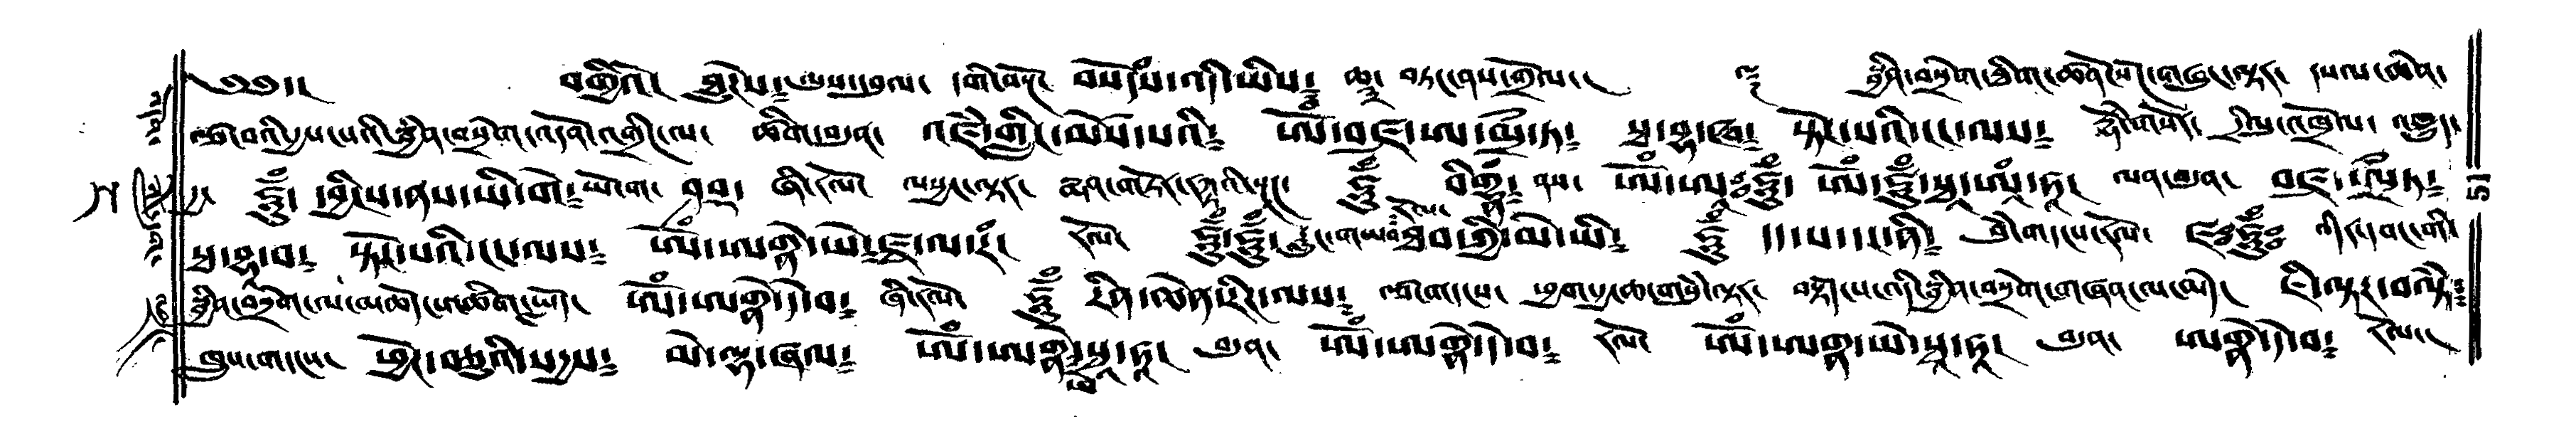བགྱིའོ། ཐུགས་རྗེས༴ ལུས་དབུལ། དགེ་བསྔོ། བསོད་ནམས་འདི་ཡིས༴ ཆ་གསུམ། བཏང་ནས་གྲོལ། ༈ སྦྱིན་སྲེག་ཐིག་ཚོན་སོགས་གཞུང་ལྟར། དཔལ་ཆེན་
རྩ་བའི་རྒྱས་པའི་སྦྱིན་སྲེག་འདོན་འགྲིགས་ལ། ཚིག་བདུན། འཛམ་གླིང་མཛེས་པའི༴ ཨོཾ་བཛྲ་ཨ་མྲི་ཏ༴ སྭ་བྷ་ཝ༴ སྟོང་པའི་ངང་ལས༴ རྡོ་རྗེ་གསོར་དྲིལ་བུ་ཁྲོལ། འཁྱུད་
རྒྱ། ཧཱུྃཿ དབྱིངས་ནས་ཡི་གེ༴ ཡོ་ག ཤབྡ། ཞི་རོལ། ལས་བྱང་ལྟར། སྨན་གཏོར་རཀྟའི་སྔགས། ཧཱུྃཿ བིགྷྣན༴ ནས། ཨོཾ་ཨཱཿཧཱུྃ། ཨོཾ་ཧཱུྃ་སྭ་ཨཾ་ཧཿ ལན་བདུན། བཛྲ་ཨ་ཨ་མྲི་ཏ༴ 
སྭ་བྷཱ་བ༴ སྟོང་པའི་ངང་ལས༴ ཨོཾ་ཨགྣེ་ཡེ་ཛྭ་ལ་རཾཿ རོལ། ཧཱུྃ་ཧཱུྃཿ རླུང་གཡབ་རོལ། ཐབ་ཀྱི་མེ་ཡི༴ ཧཱུྃཿ དད་པ་དང་ནི༴ བུམ་གདངས་རོལ། ཛཿཧཱུྃཿ འདིར་དབང་གི་
སྦྱིན་སྲེག་ལ་མཆོད་པ་ཚིག་བཞི་ཡོད། ཨོཾ་ཨགྣེ་དེ་བ༴ ཞི་རོལ། ཧཱུྃཿ རིན་ཆེན་རིགས་ལས༴ རྩ་གདངས། ཕྱག་རྒྱ་ཆ་གསུམ་ལྟར། བསྟོད་པ་འདི་སྦྱིན་སྲེག་གཞན་ལ་མེད། ཇི་ལྟར་བལྟམ༴ 
ཁྲུས་གདངས། ཕྱོགས་བཅུའི་སངས་རྒྱས༴ མེ་ལྷ་ཞལ༴ ཨོཾ་ཨགྣེ་ཡེ་སྭ་ཧཿ ལན་བདུན། ཨོཾ་ཨགྣེ་དེ་བ༴ རོལ། ཨོཾ་ཨགྣ་ཡེ་སྭ་ཧཿབདུན། ཨགྣེ་དེ་བ༴ རོལ།